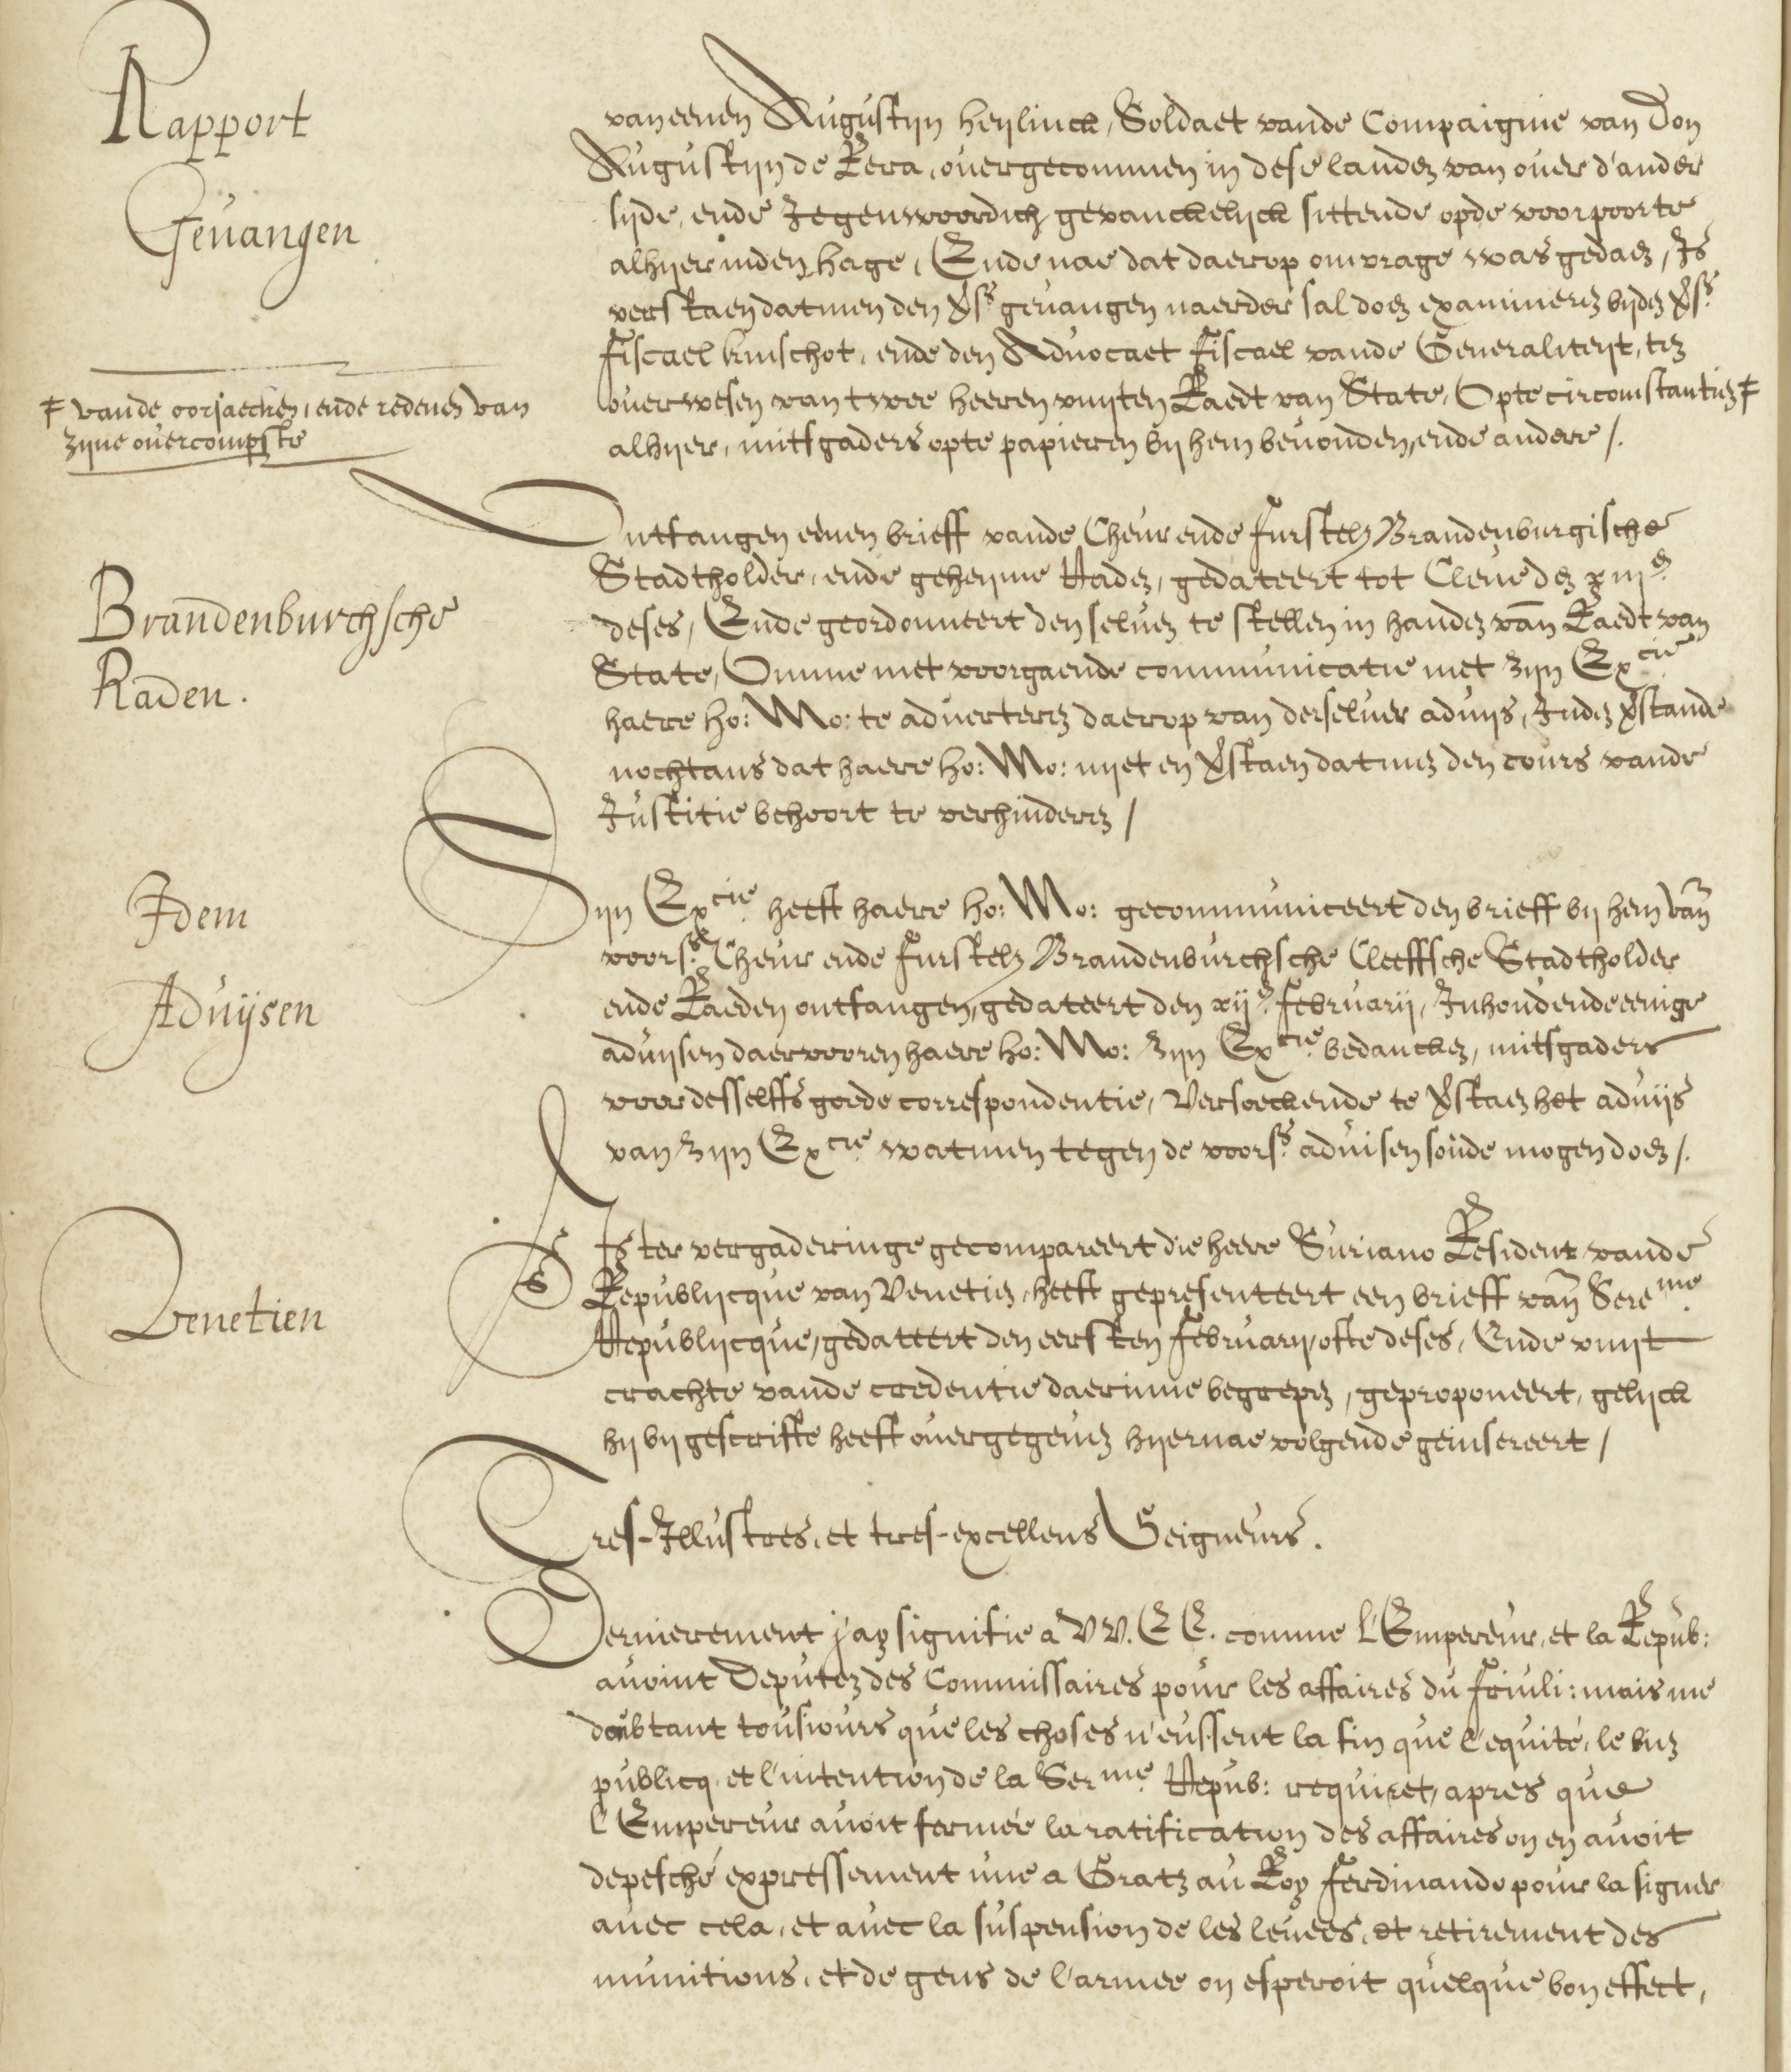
Rapport
Geuangen
Ŧ vande oorsaecken, ende redenen van
zyne ouercompste
van eenen Augustyn heylinck, Soldaet vande Compaignie van Don
Augustyn de Rera, ouergecommen in dese landen van ouer d‛ander
syde, ende Jegenwoordich gevanckelyck sittende opde voorpoorte
alhyer inden hage. Ende nae dat daerop omvrage was gedaen, Is
verstaen datmen den vs geuangen naerder sal doen examineren byden vs.
Fiscael kinschot, ende den Aduocaet Fiscael vande Generaliteyt, ten
ouerwesen van twee heeren vuyten Raedt van State, Opte circomstantien Ŧ
alhyer, mitsgaders opte papieren by hem beuonden, ende andere.
Brandenburchsche
Raden.
Ontfangen eenen brieff vande Cheur ende Furstel Brandenburgische
Stadholder, ende geheyme Raden, gedateert tot Cleue den xiijen.
deses. Ende geordonneert denseluen te stellen in handen van Raedt van
State, Omme met voorgaende communicatie met zyn Excie.
haere ho:Mo: te aduerteren daerop van derseluer aduys, inden vstande
nochtans dat haere ho:Mo: nyet en vstaen datmen den cours vande
Justitie behoort te verhinderen.
Idem
Aduijsen
Syn Excie. heeft haere ho:Mo: gecommuniceert den brieff by hem van
voors. Cheur ende Furstel Brandenburchsche Cleeffsche Stadtholder
ende Raeden ontfangen, gedateert den xijen Februarij, Inhoudende eenige
aduysen daervooren haere ho:Mo: Zyn Excie. bedancken, mitsgaders
voor desselffs goede correspondentie, Versoeckende te vstaen het aduijs
van Zyn Excie. wat men tegen de voors aduisen soude mogen doen.
Venetien
Is ter vergaderinge gecompareert die heere Suriano Resident vande
Republycque van Venetien, heeft gepresenteert een brieff van Sereme.
Republycque, gedateert den eersten February, off deses, Ende vuyt
crachte vande credentie daerinne begrepen, geproponeert, gelyck
hy by gescrifte heeft ouergegeuen hyernae volgende geinsereert.
Tres- Illustres, et tres- excellens Seigneurs.
Dernierement j‛ay signifie a V V. E E. comme l‛Empereur, et la Repub:
auoint Deputez des Commissaires pour les affaires du fruili: maisme
doubtant tousiours que les choses n‛eussent la fin que l‛equité, le vuz
publicq, et l‛intention de la Serme. Repub: requiret, apres que
l‛Empereur auoit fermée la ratification des affaires on en auoit
depesché expressement une a Gratz au Roy Ferdinande pour la figuer
auec cela, et auec la suspension de les léuees, et retirement des
munitions, et de gens de l‛armee ou esperoit quelque bon effect,
